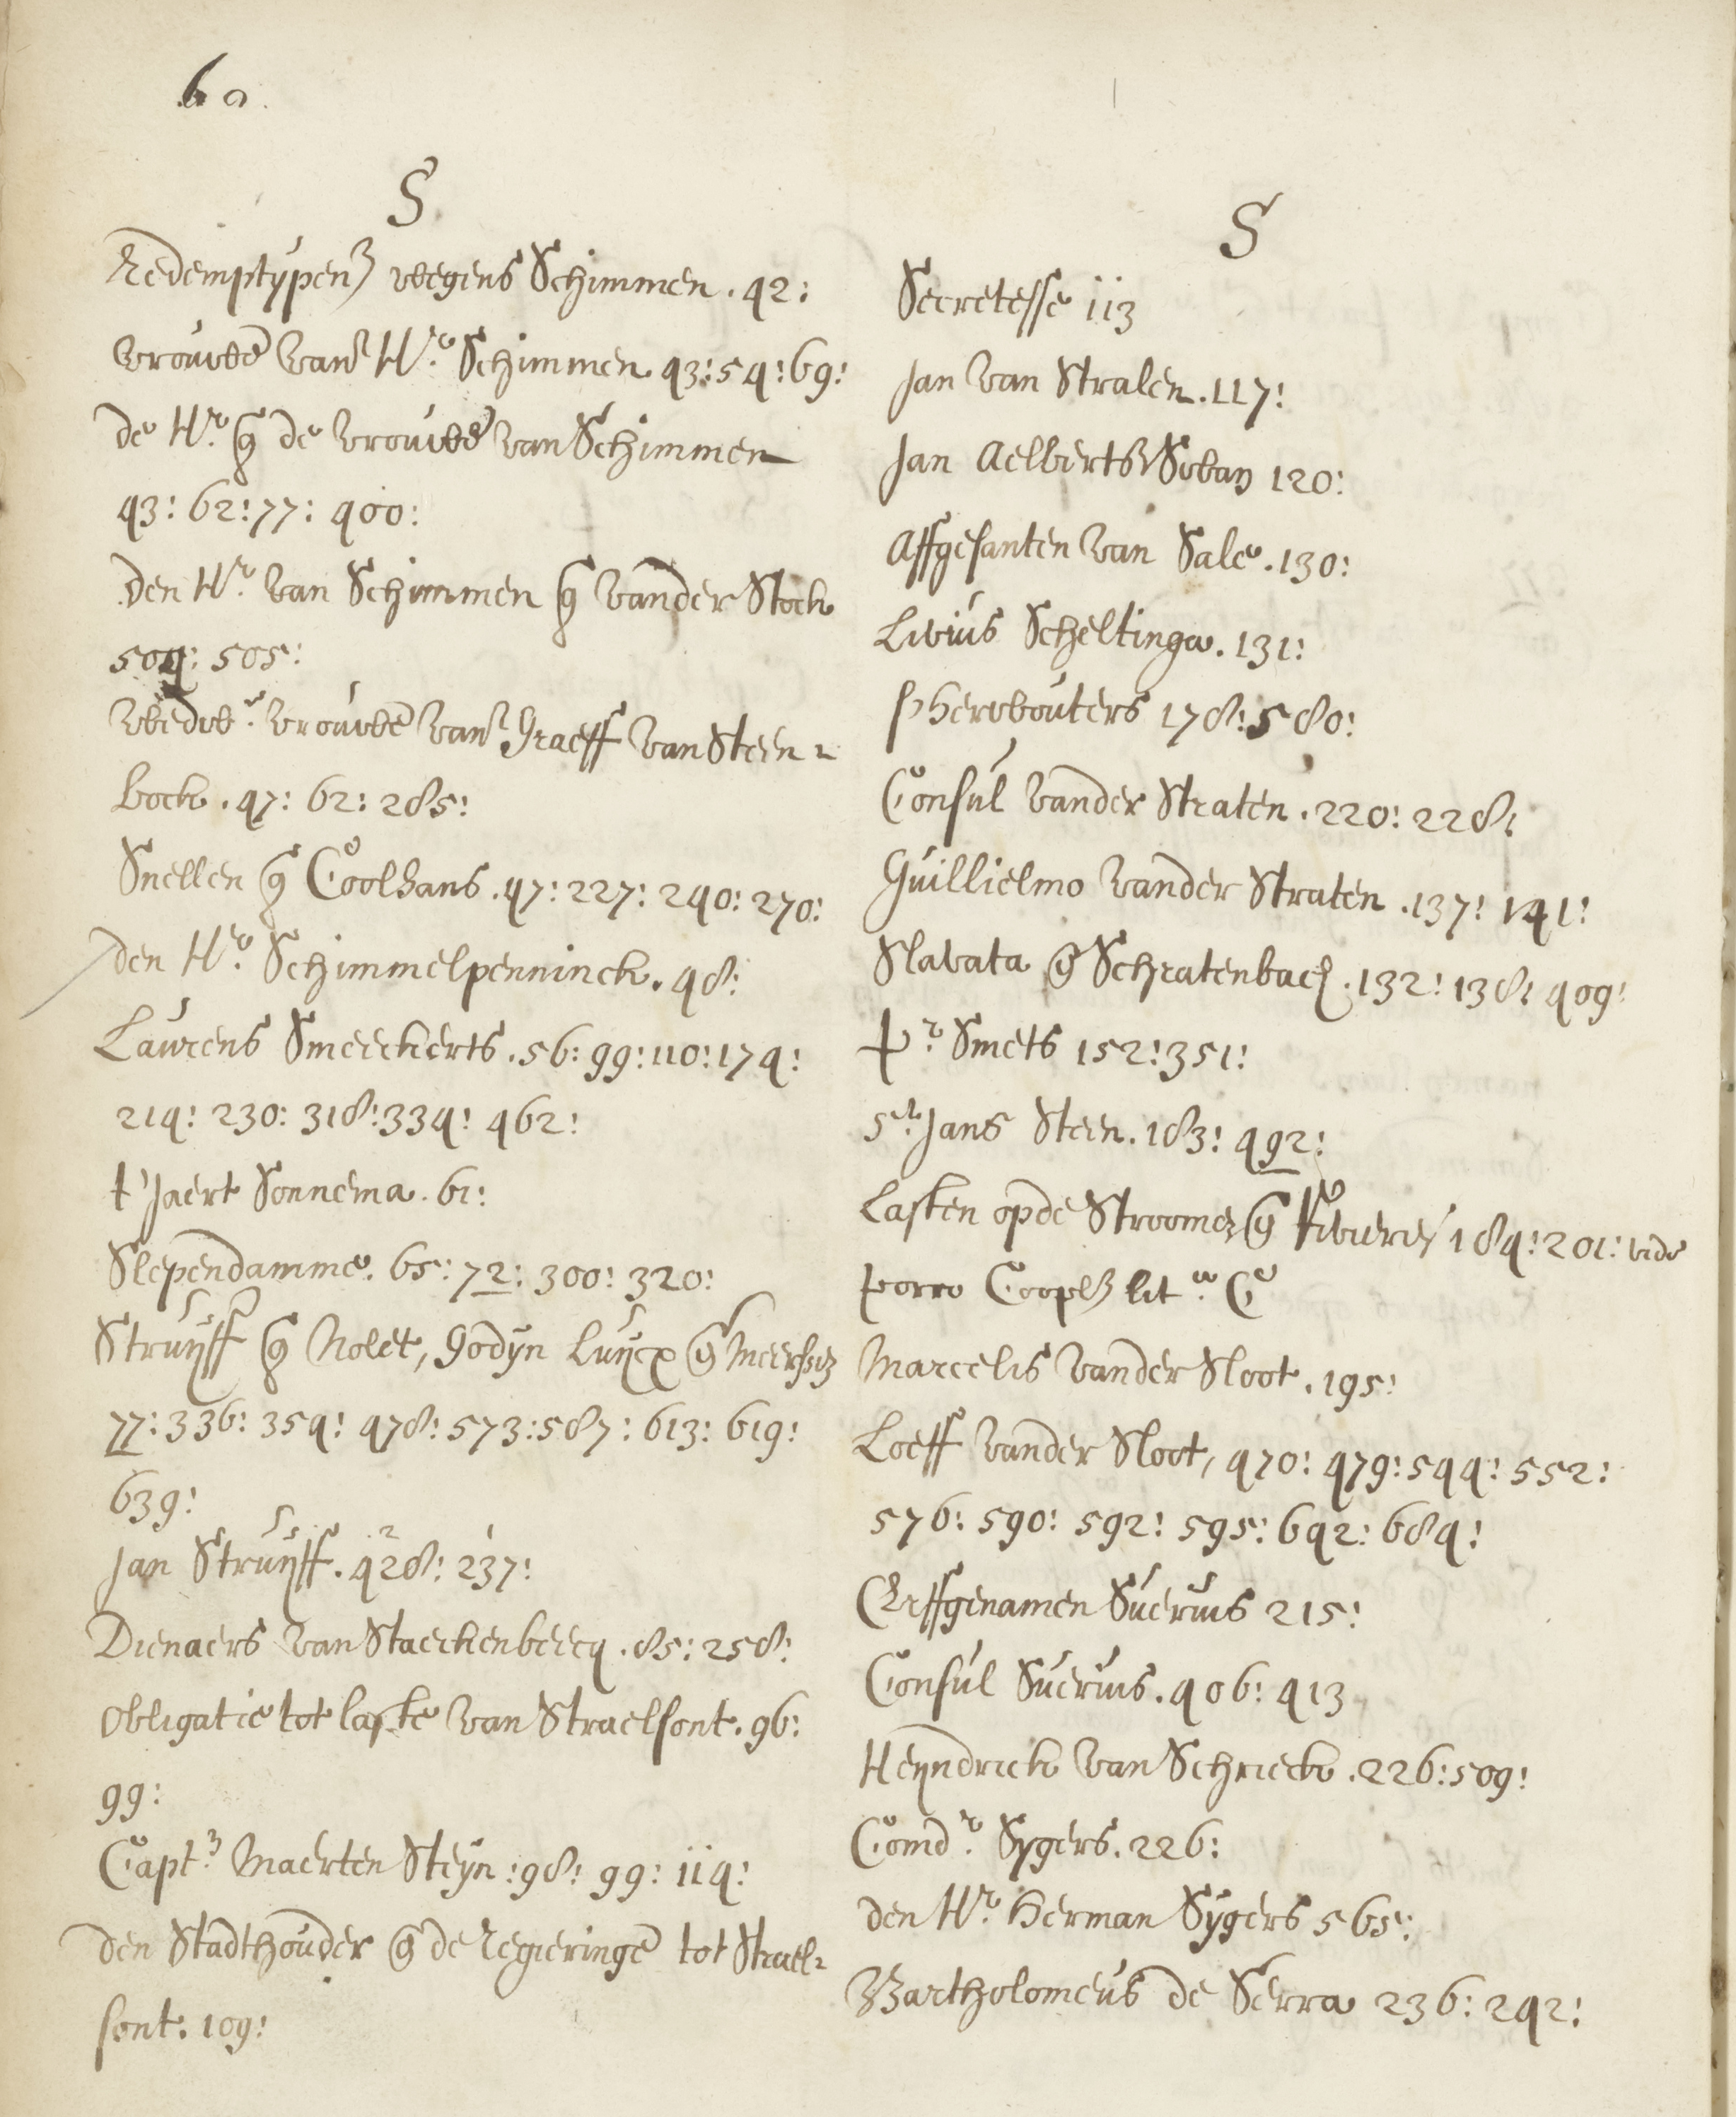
60.
S.
Redemptijpen, wegens Schimmen. 42:
vrouwe van Hr. Schimmen 43: 54: 69:
de Hr. Ca. de vrouwe van Schimmen
43: 62: 77: 400:
den Hr. van Schimmen Ca. vander Stock
504: 505:
wedwe. Vrouwe van Graeff van Steen„
bock. 47: 62: 285:
Snellen Ca. Coolhans. 47: 227: 240: 270:
den Hr. Schimmelpenninck. 48:
Laurens Smeeckerts. 56: 99: 110: 174:
214: 230: 318: 334: 462:
t'Jaert Sonnema. 61:
Slependamme. 65: 72: 300: 320:
Struijff Ca. Nolet, Godijn Luijcx & Meerssen
77: 336: 359: 478: 573: 587: 613: 619:
639:
Jan Struijff. 4228: 2317:
Dienaers van Staeckenbeecq. 85: 258:
Obligatie tot laste van Straelsont. 96:
99:
Captn. Maerten Steijn: 98: 99: 114:
den Stadthouder & de Regieringe tot Strael„
sont. 109:
S
Secretesse 113
Jan van Stralen. 117:
Jan Aelberts Swan 120:
Affgesanten van Sale. 130:
Livius Scheltinga. 131:
s‛herwouters 178: 580:
Consul vander Straten. 220: 228:
Guillielmo vander Straten. 137: 141:
Slavata & Schratenbach. 132: 138: 409:
Pr. Smets 152: 351:
St. Jans Steen. 183: 492:
Lasten op de Stroomen & Rivieren 184: 201: vide
porro Coopl lita. C
Marcelis van der Sloot, 195:
Loeff vander Sloot, 470: 479: 544: 552:
576: 590: 592: 595: 642: 684:
Erffgenamen Suerius 215:
Consul Suerius. 406: 413
Heyndrick van Schrieck. 226: 509:
Comdr. Sygers. 226:
den Hr. Herman Sijgers 565:
Bartholomeus de Serra 236: 292:
